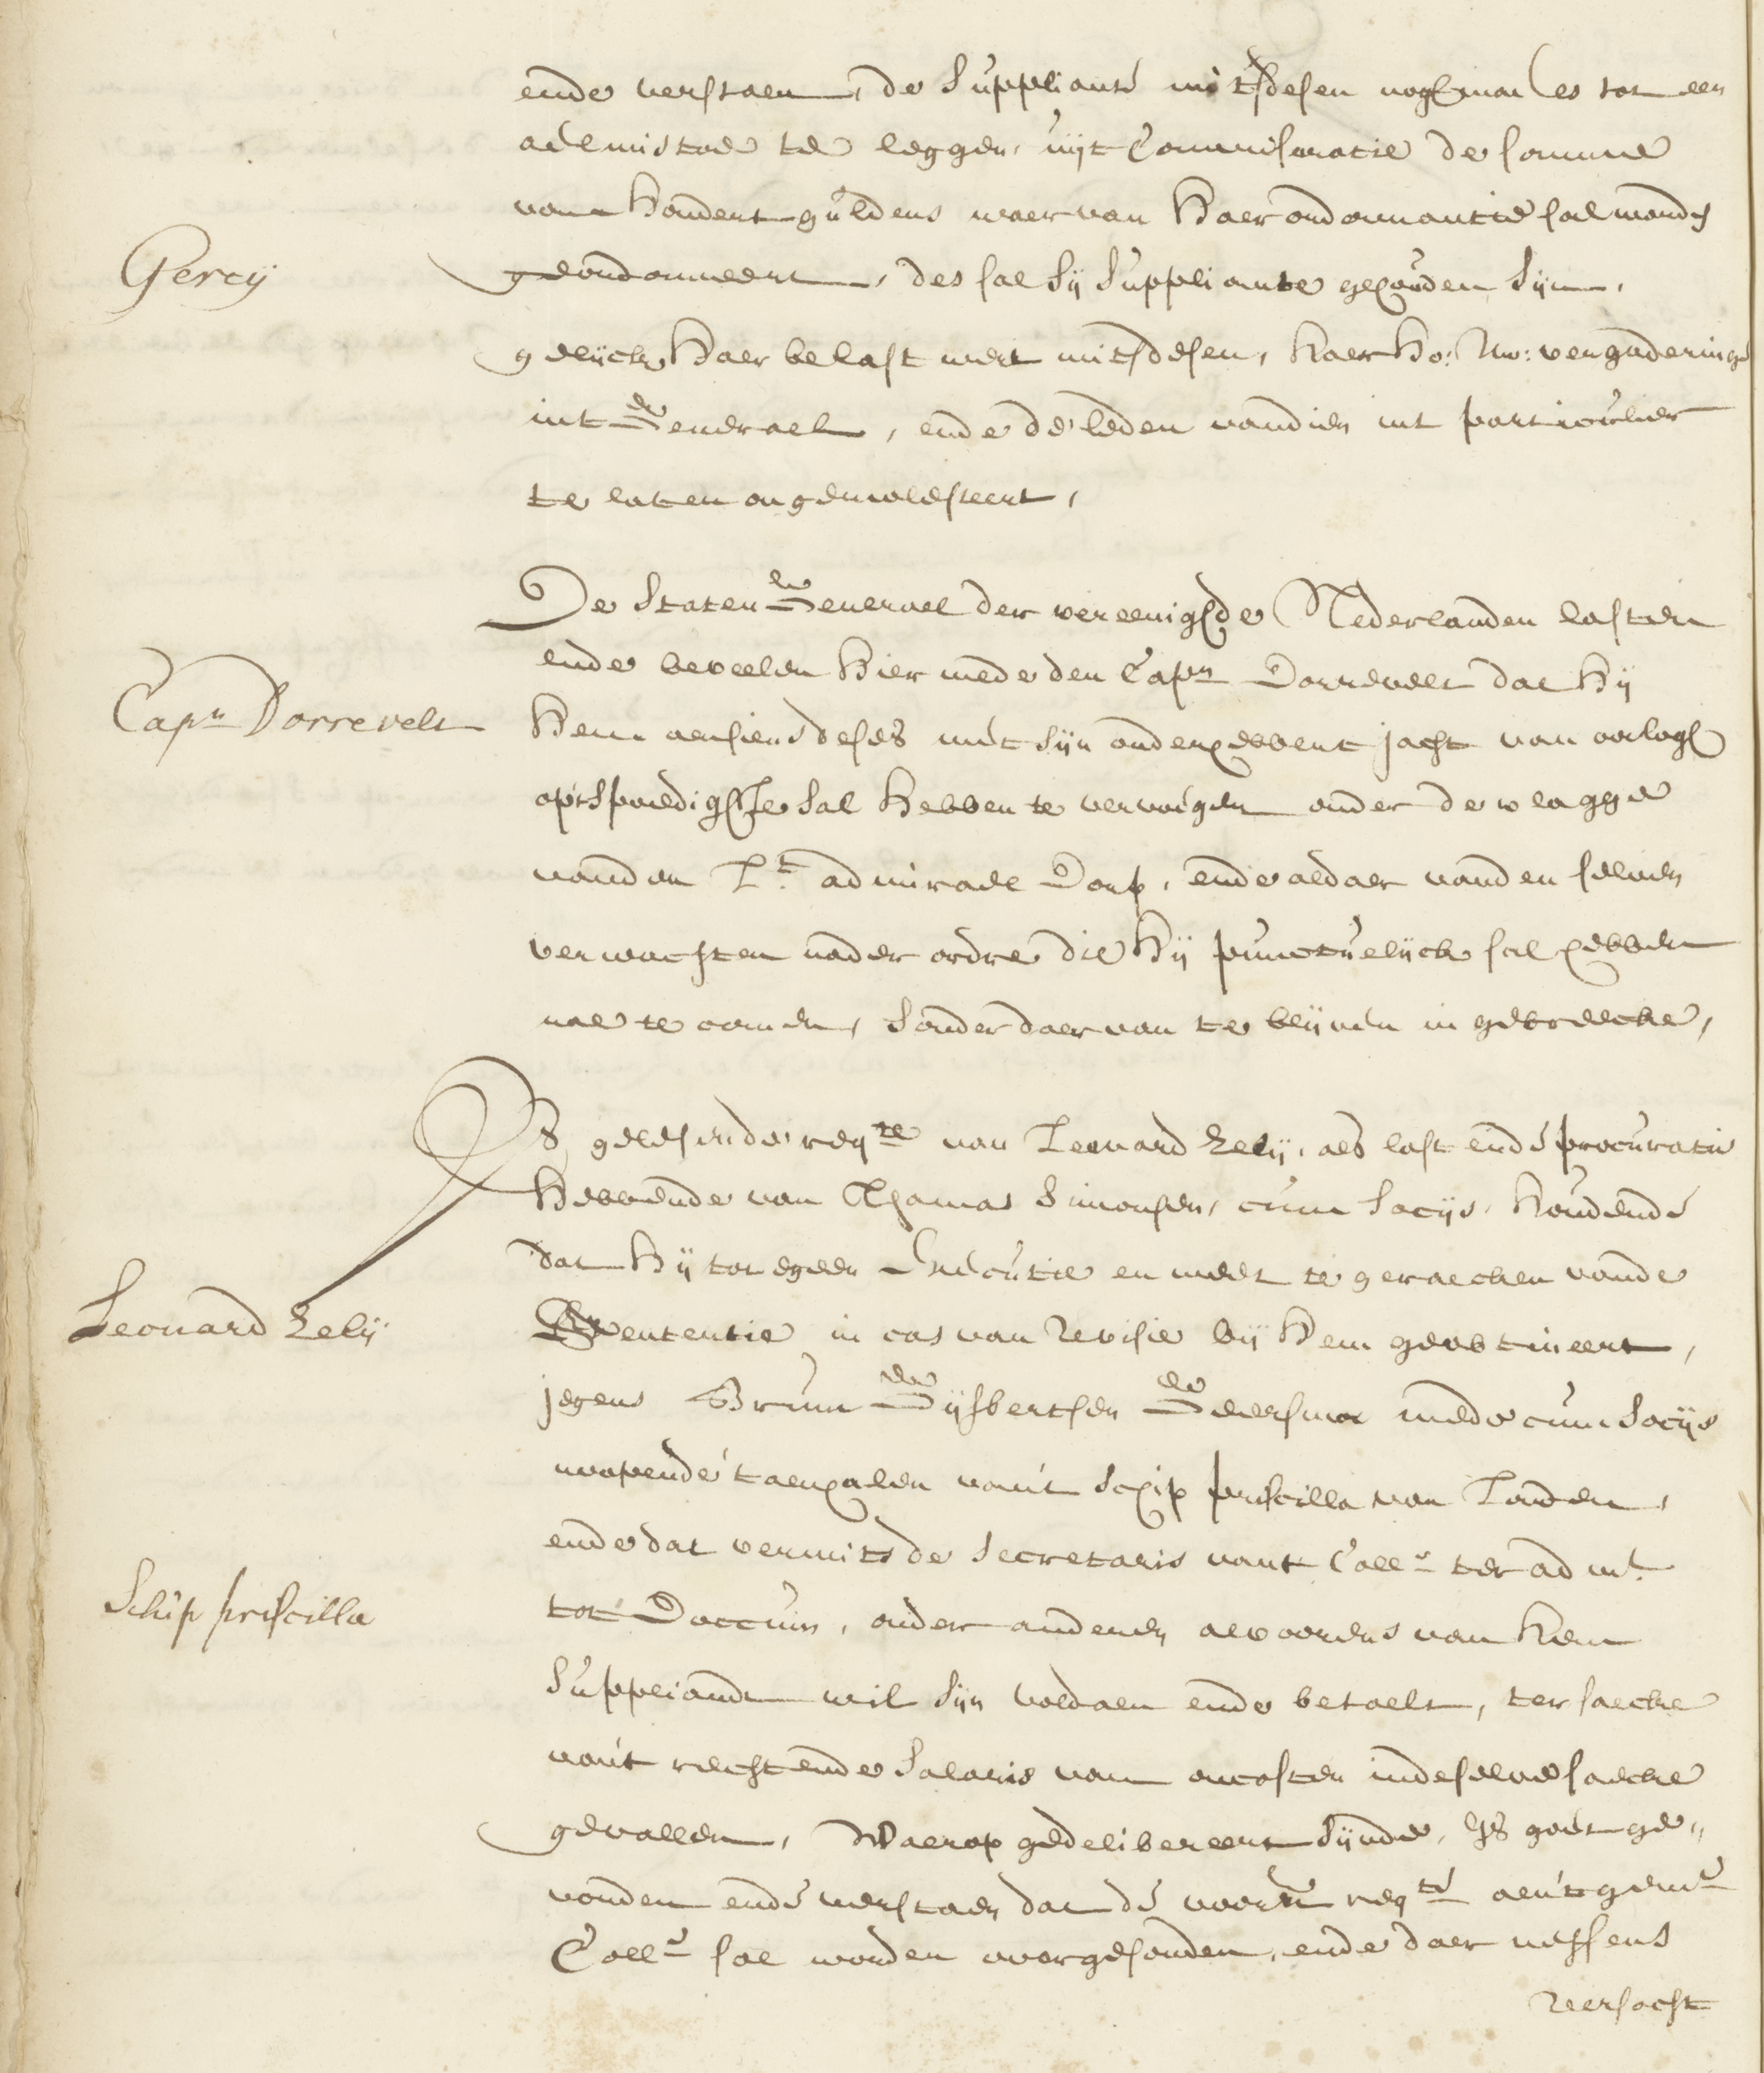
Gercij
ende verstaen, de suppliante mitsdesen noghmaels tot een
aelmis toe te leggen, uijt commiseratie de somme
van hondert gulden waervan Haer ordonnantie sal werden
geordonneert, des sal sij suppliante gehouden sijn,
gelijck haer belast wert mitsdesen, haer Ho:Mo: vergaderinge
int Generael, ende de leden vandien int particulier
te laten ongemolesteert.
Capn Dorrevelt
De Staten Generael der vereenighde Nederlanden lasten
ende beveelen hier mede den capn. Dorrevelt dat hij
hem aensiens deses met sijn onderhebbent jacht van oorlogh
op't spoedighste sal hebben te vervoegen onder de vlagge
vanden Lt. admirael Dorp, ende aldaer vanden selven
verwachten nader ordre die hij punctuelijck sal hebben
nae te comen, sonder daer van te blijven in gebreecke.
Leonard Zelij
Schip Priscilla
Is gelesen de reqte van Leonard Zelij, als last ende procuratie
hebbende van Thomas Simonsen, cum socijs, houdende
dat hij tot egeen Executie en weet te geraecken vande
Sententie in cas van revisie bij hem geobtineert
jegens Brun Gijsbertsen Geersma mede cum socijs
noopende 't aenhalen van 't schip Priscilla van Londen,
ende dat vermits de secretaris vant Colle ter Admt
tot Doccum, onder anderen alvoorens van hem
suppliandt wil sijn voldaen ende betaelt, ter saecke
van't recht ende salaris van oncosten in deselve saecke
gevallen. Waerop gedelibereert sijnde, Is goet ge„
vonden ende verstaen dat de voern reqte aen't gene
Colle sal worden overgesonden, ende daer neffens
versocht
